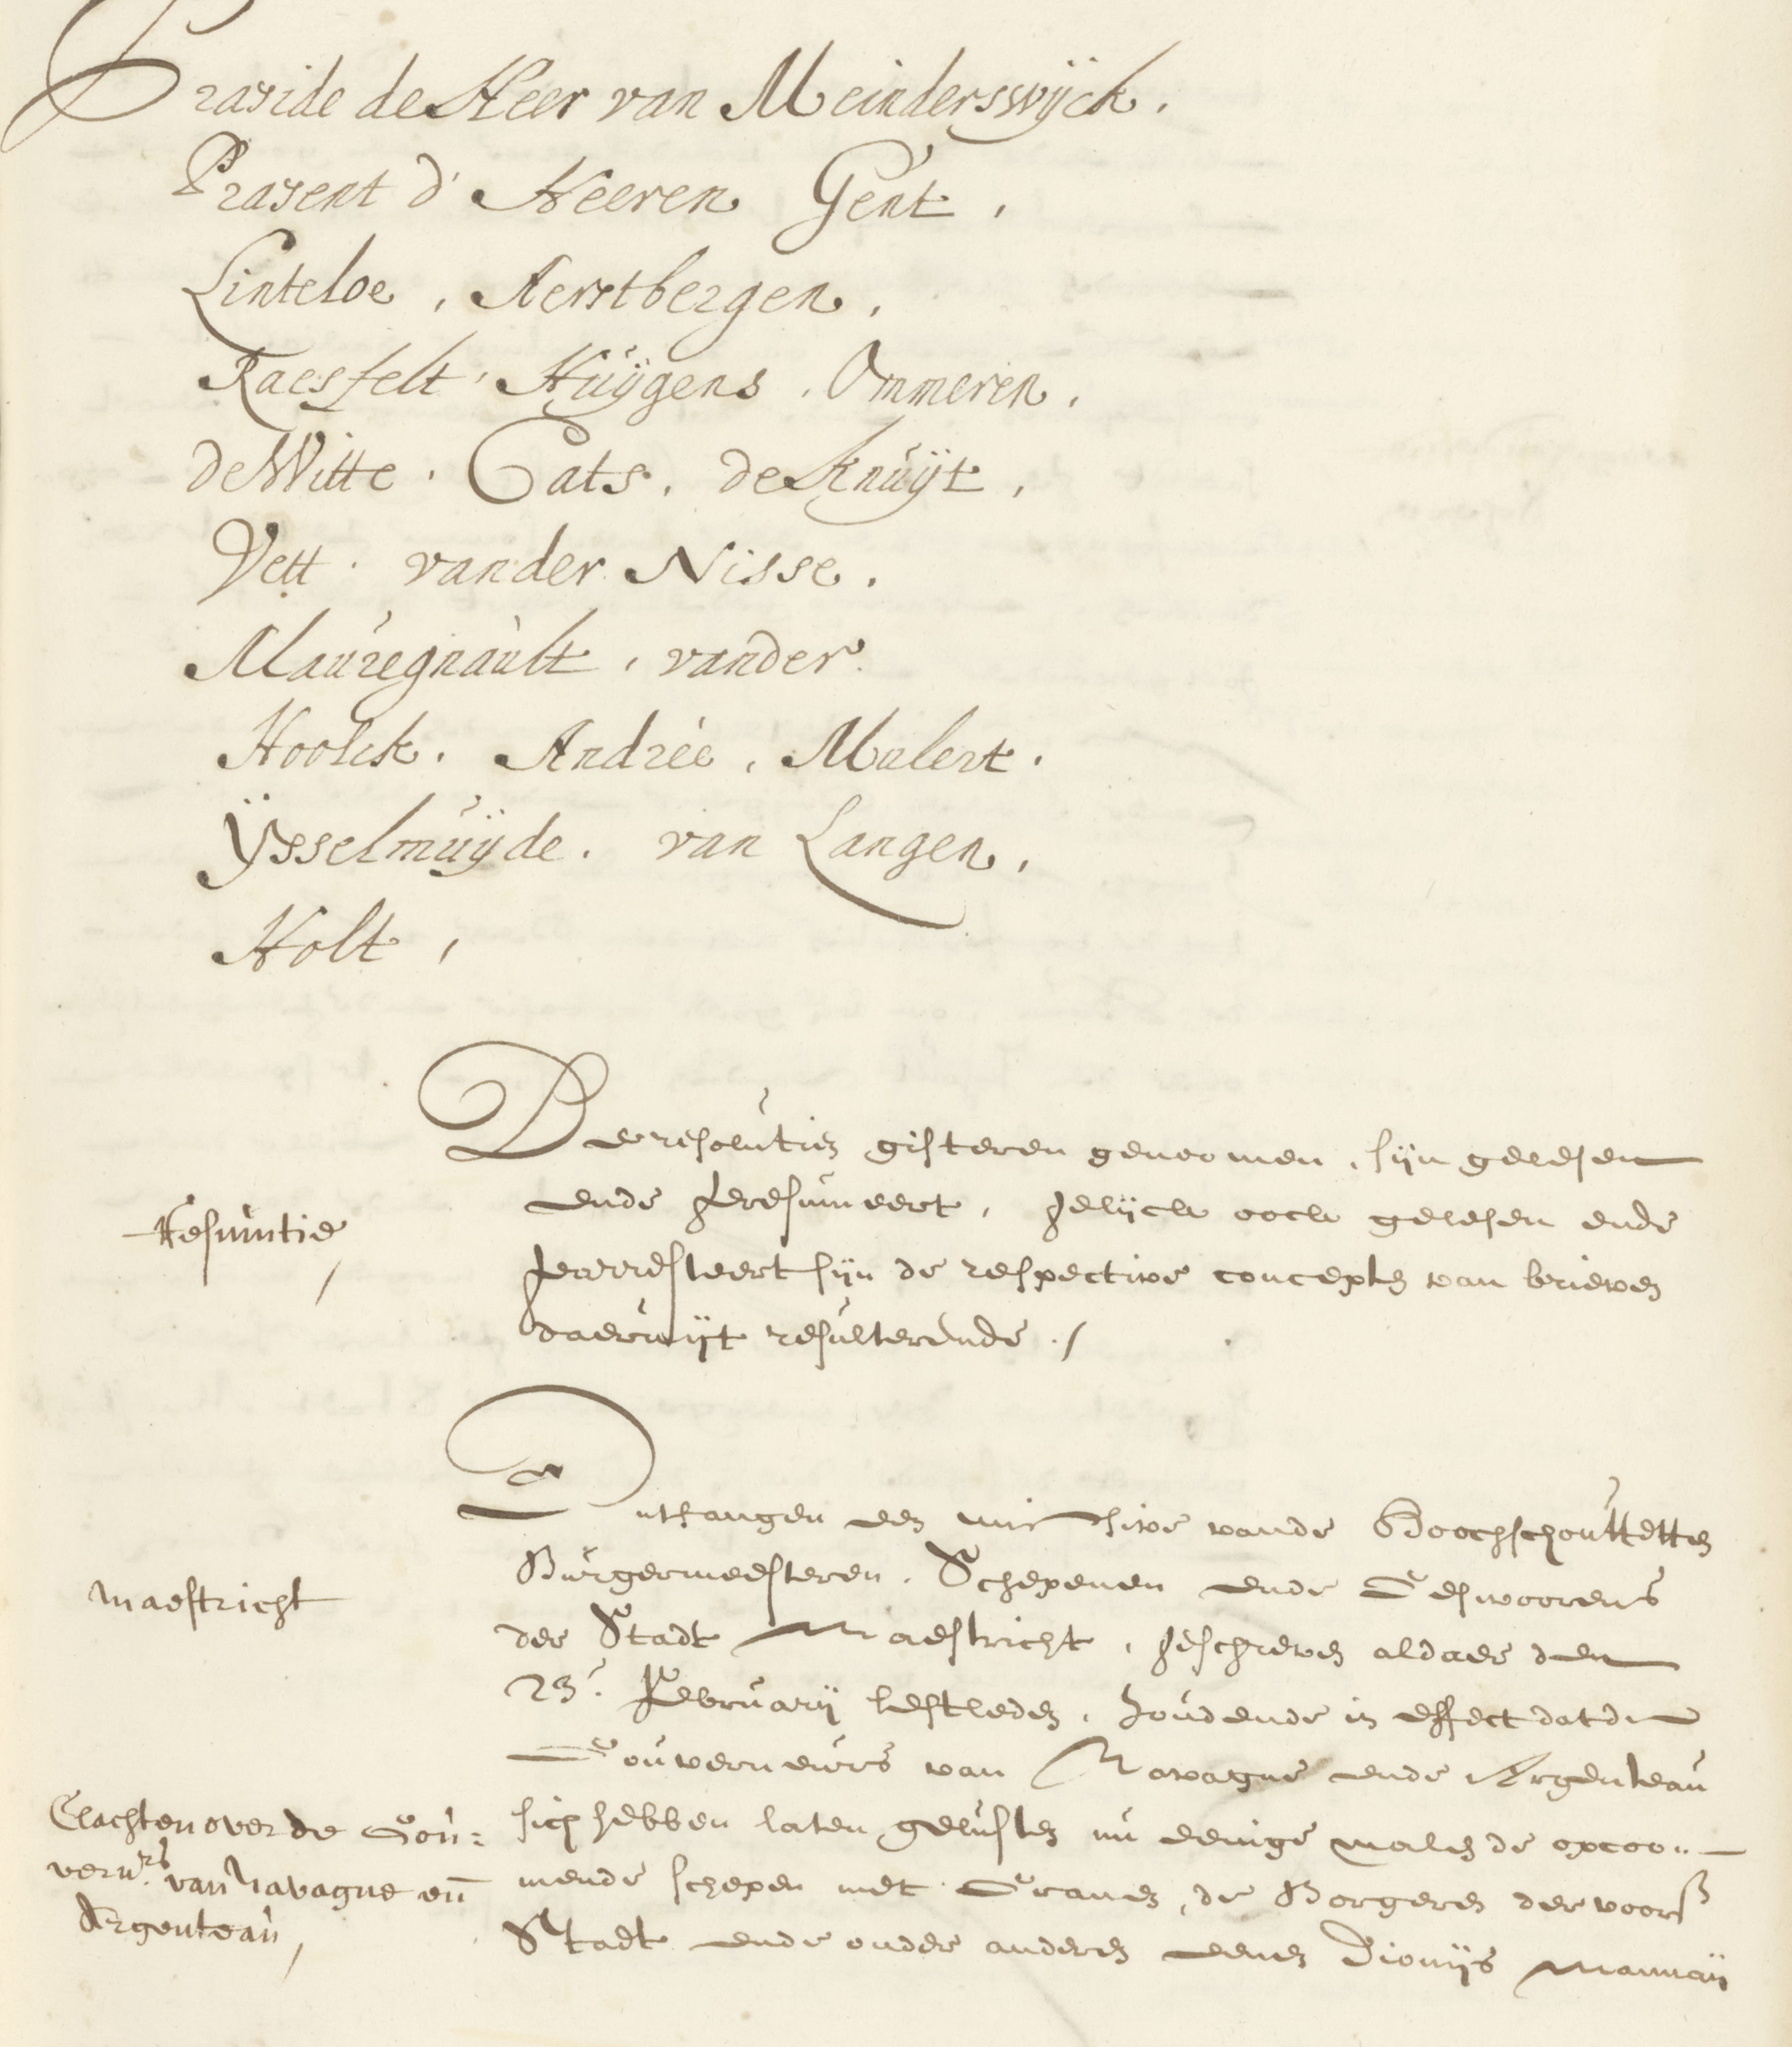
Præside de Heer van Meinderswijck,
Præsent d' Heeren Gent,
Linteloe, Aerstbergen,
Raesfelt, Huijgens, Ommeren,
de Witte, Cats, de Knuijt,
Vett, vander Nisse,
Mauregnault, vander
Hoolck, Andreé, Mulert.
IJsselmuijde, van Langen,
Holt.
Resumtie
De resolutien gisteren genoomen, sijn gelesen
ende geresumeert, gelijck oock gelesen ende
gearresteert sijn de respective concepten van brieven
daeruijt resulterende.
maestricht
Clachten over de Gou„
verners. van Navagne en
Argenteau
Ontfangen een missive vande Hoochschouttetten
Burgermeesteren, Schepenen ende Geswoorens
der Stadt Maestricht, geschreven aldaer den
23e. Februarij lestleden, houdende in effect dat de
Gouverneurs van Navagne ende Argenteau
sich hebben laten gelusten nu eenige malen de opcoo„
mende schepen met Granen, de Borgeren der voors
Staet ende onder anderen eenen Dionijs Mannaij
